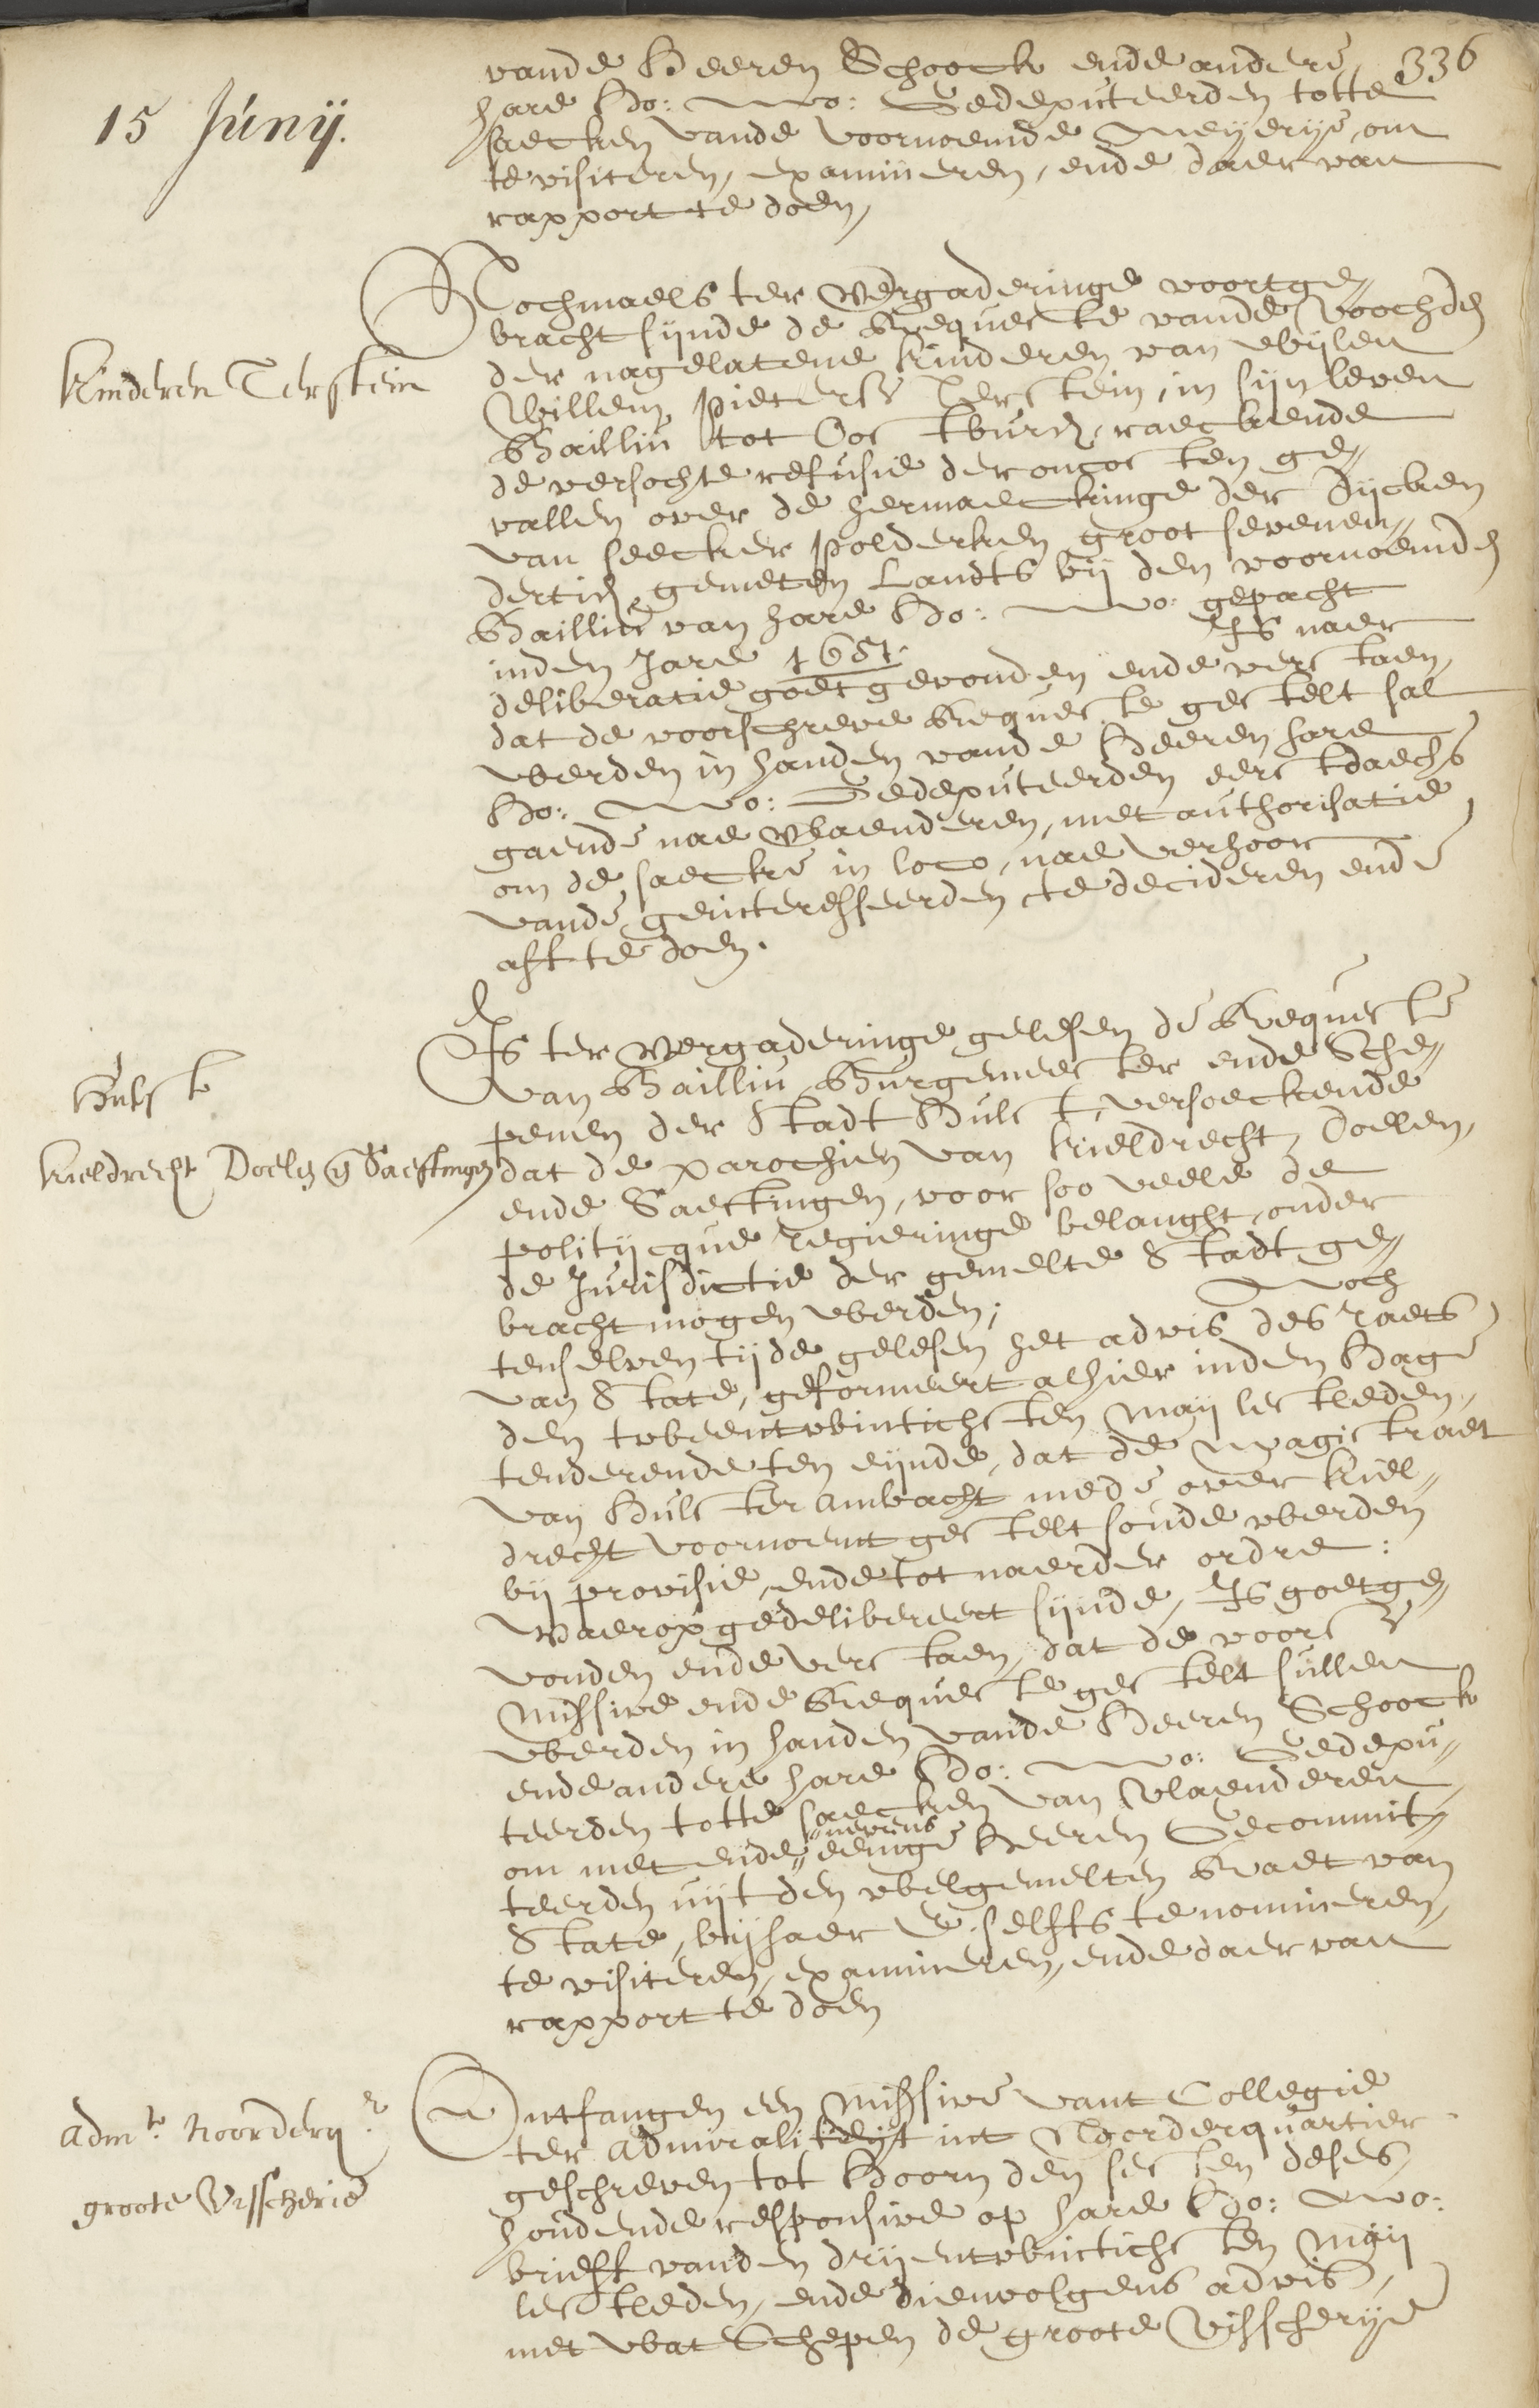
336
15 Junij
van de Heeren Schoock ende andere
hare Ho: Mo: Gedeputeerden totte
saecken vande voornoemde Meijerije, om
te visiteren, examineren, ende daervan
rapport te doen.
Kinderen Terstein
Nochmaels ter Vergaderinge voortge„
bracht sijnde de Requeste vande voochde
der nagelatene kinderen van wijlen
Willem Pietersz Terstein, in sijn leven
Bailliu tot Oostburen, raeckende
de versochte refusie der oncosten ge„
vallen over de hermaeckinge der dijcken
van seecker polderken groot sevenen„
dertich gemeten Landts bij den voornoemde
Bailliu van hare Ho: Mo: gepacht
inden Jare 1681. Is naer
deliberatie goetgevonden ende verstaen
dat de voorschreve Requeste gestelt sal
worden in handen vande Heeren hare
Ho: Mo: Gedeputeerden eerstdaechs
gaende nae Vlaenderen, met authorisatie
om de saecken in loco, nae verhoor
vande geinteresseerden te decideren ende
aff te doen.
Hulst
Kieldrecht Doelen & Saeftingen
Is ter Vergaderinge gelesen de Requeste
van Bailliu Burgemeester ende Sche„
penen der Stadt Hulst, versoeckende
dat de parochien van Kieldrecht, Doelen,
ende Saeftingen, voor soo veele de
politijcque regieringe belanght, onder
de Jurisdictie der gemelte Stadt ge„
bracht mogen worden; Noch
tenselven tijde gelesen het advis des raets
van State, geformeert alhier inden Hage
den tweentwintichsten maij lestleden,
tenderende ten eijnde, dat de magistraet
van Hulster Ambacht mede over Kiel„
drecht voornoemt gestelt soude worden
bij provisie ende tot naerder ordre:
Waerop gedelibereert sijnde, Is goetge„
vonden ende verstaen, dat de voorsz
Missive ende Requeste gestelt sullen
worden in handen vande Heeren Schoock
ende andere hare Ho: Mo: Gedepu„
teerden totte saecken van Vlaenderen
om met ende „ „nevens eenige Heeren Gecommit„
teerden uijt den welgemelten Raet van
State, bij haer E: selffs te nomineren,
te visiteren, examineren, ende daer van
rapport te doen
Admt. Noorderqr.
groote Visscherie
Ontfangen een missive vant Collegie
ter Admiraliteijt int Noorderquartier
geschreven tot Hoorn den sesten deses
houdende responsive op hare Ho: Mo:
brieff vanden drijentwintichsten maij
lestleden, ende dienvolgens advis,
met wat Schepen de groote Visscherije
